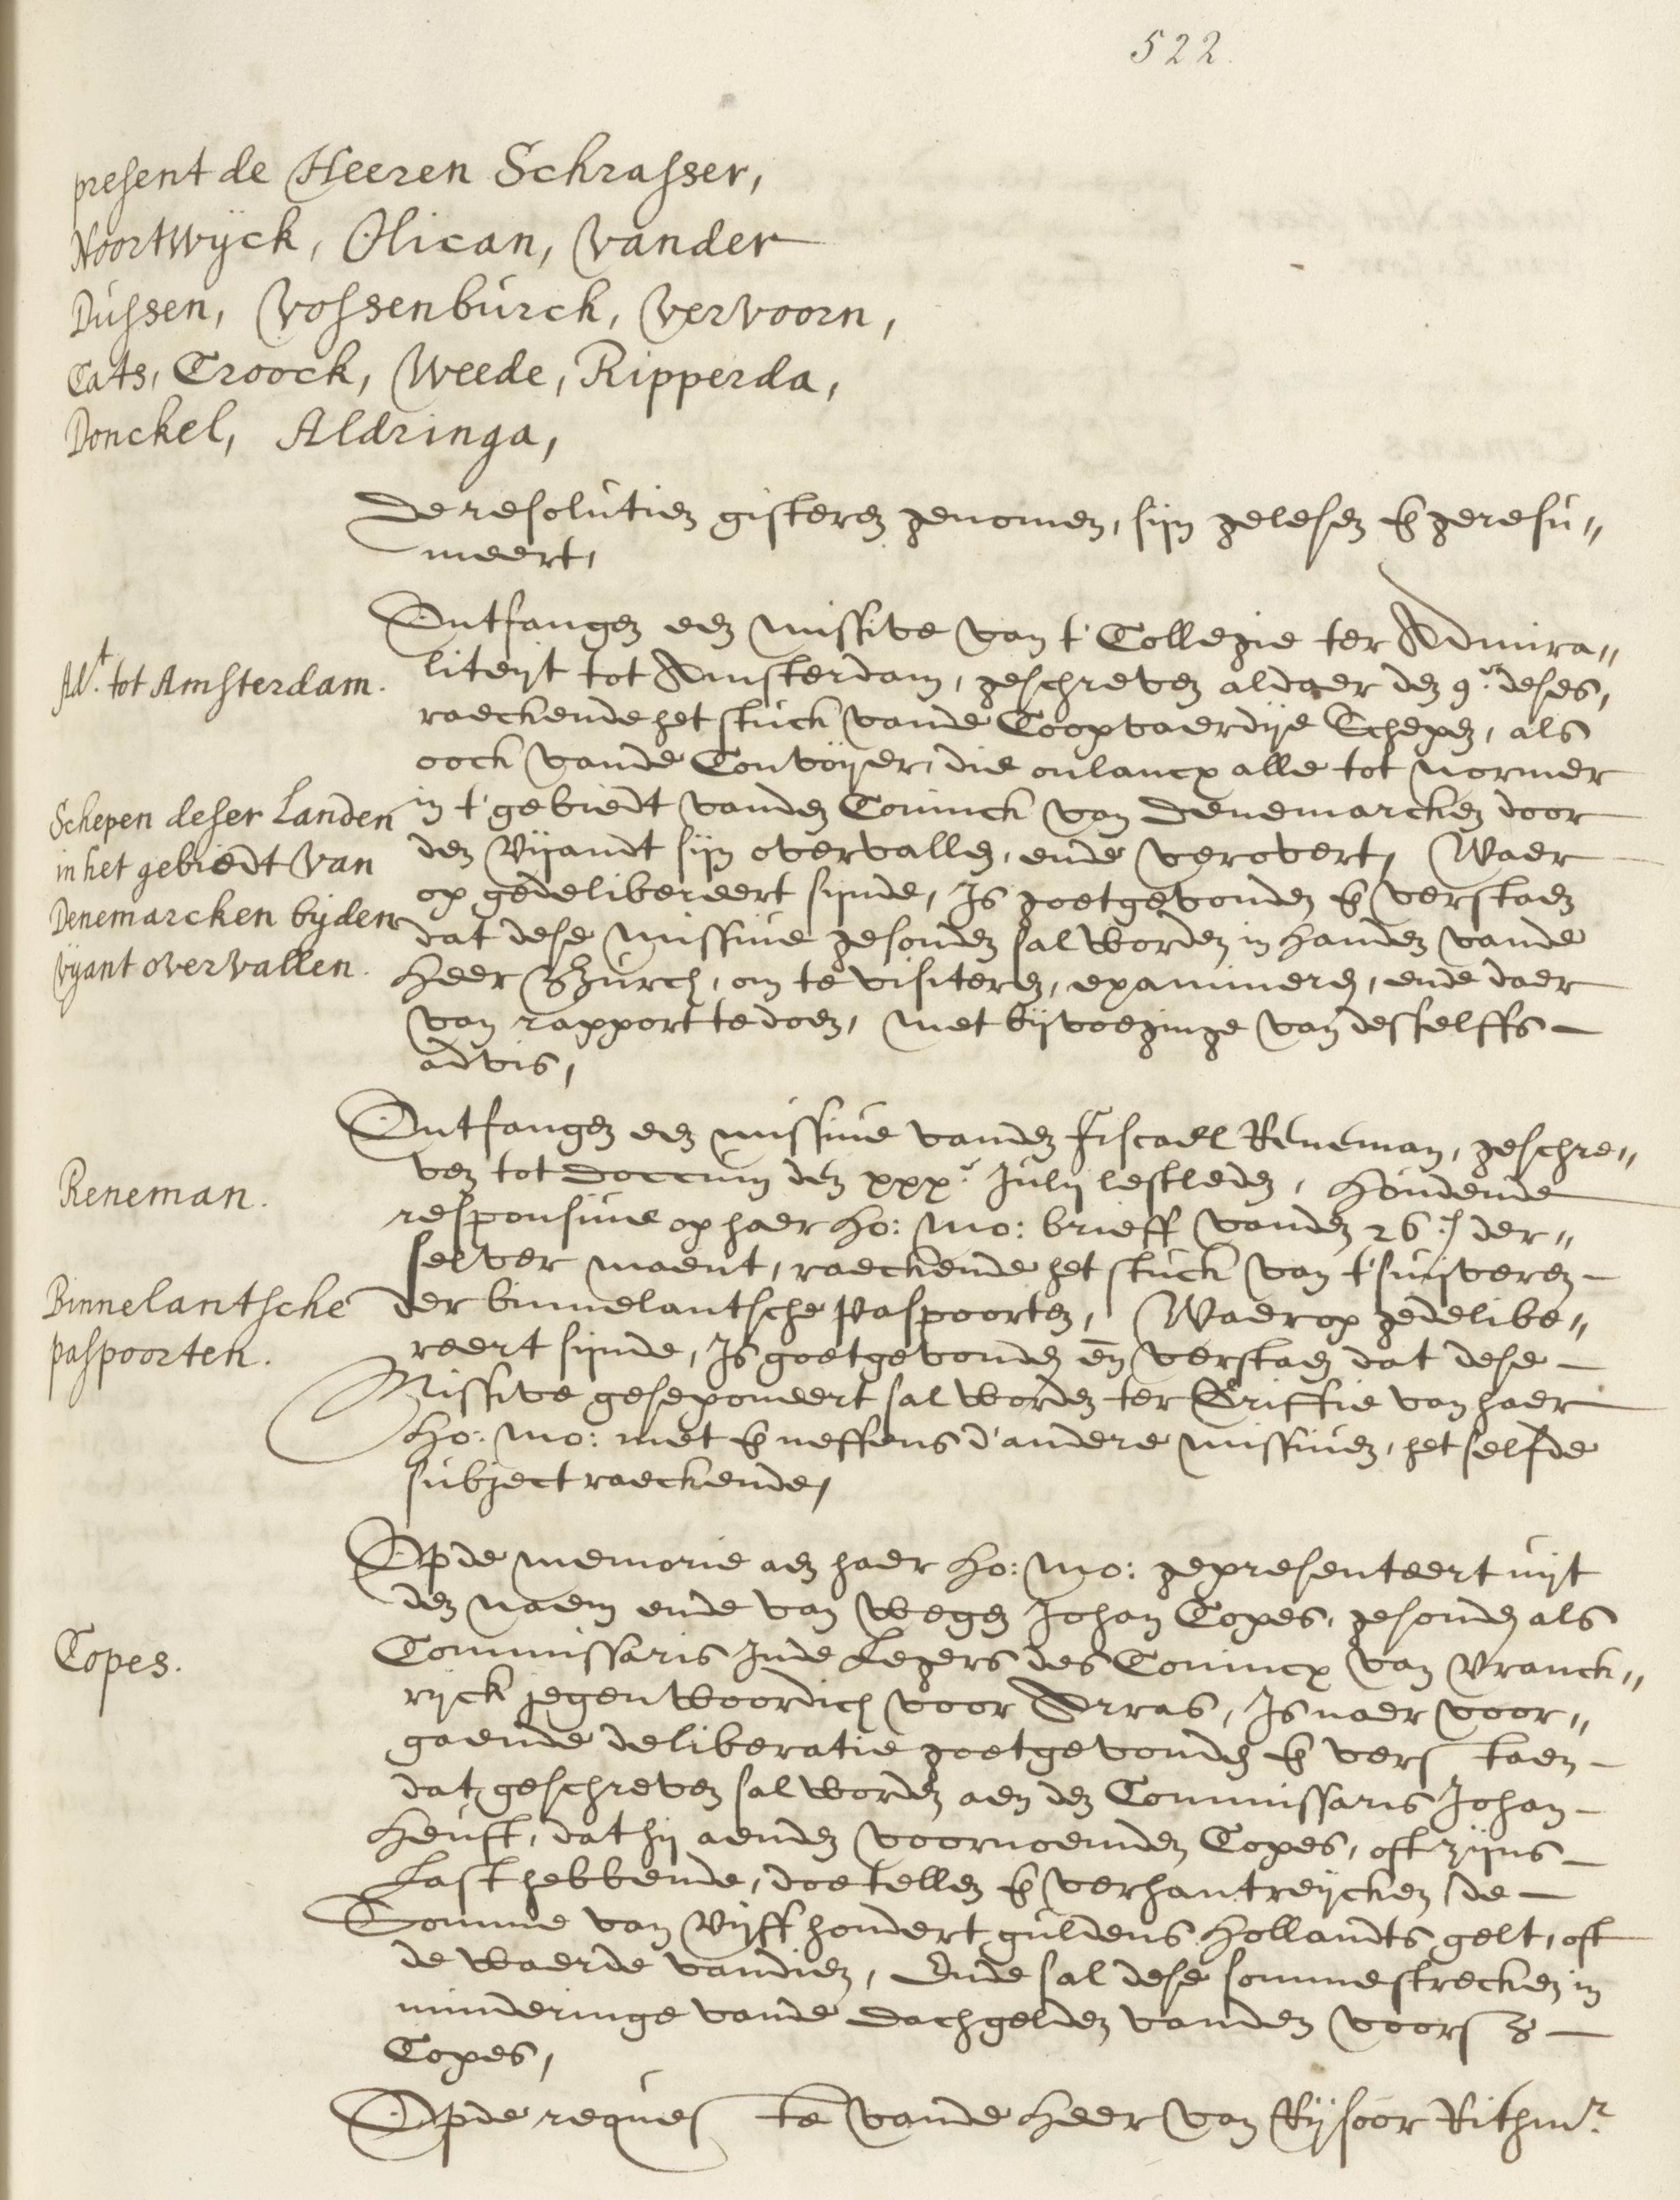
522
present de Heeren Schrasser,
Noortwijck, Olican, Vander
Dusen, Vossenburch, Vervoorn,
Cats, Croock, Weede, Ripperda,
Donckel, Aldringa,
De resolutien gisteren genomen, sijn gelesen & geresu„
meert.
Adt. tot Amsterdam.
Schepen deser Landen
in het gebiedt van
Denemarcken bijden
vijant overvallen.
Ontfangen een missive van t‛Collegie ter Admira„
liteijt tot Amsterdam, geschreven aldaer den 9e deses,
raeckende het stuck vande Coopvaerdije Schepen, als
oock vande Convoijer, die onlancx alle tot normer
in t‛ gebiedt vanden Coninck van Denemarcken door
den Vijandt sijn overvallen, ende verovert. Waer
op gedelibereert sijnde, Is goetgevonden & verstaen
dat dese missive gesonden sal worden in handen vande
Heer Burch, om te visiteren, examineren, ende daer
van rapport te doen, met bijvoeginge van desselffs —
advis.
Reneman.
Binnelantsche
paspoorten.
Ontfangen een missive vanden fiscael Reneman, geschre„
ven tot Doccum den XXXe Julij lestleden, Houdende
responsive op haer Ho:Mo: brieff vanden 26en der„
selver maent, raeckende het stuck van t‛suijveren -
der binnelantsche paspoorten. Waerop gedelibe„
reert sijnde, Is goetgevonden en verstaen dat dese —
Missive geseponeert sal worden ter Griffie van haer
Ho:Mo: met & neffens d'andere missiven, het selfde
subject raeckende.
Copes.
Opde memorie aen haer Ho:Mo: gepresenteert uijt
den naem ende van wegen Johan Copes, gesonden als
Commissaris Inde Legers des Conincx van Vranck„
rijck jegenwoordich voor Arras, Is naer voor„
gaende deliberatie goetgevonden & verstaen -
dat geschreven sal worden aen den Commissaris Johan —
Heuft, dat hij aenden voornoemden Copes, oft zijns —-
Lasthebbende, doe tellen & verhantreijcken de —
Somme van vijff hondert guldens Hollandts gelt, oft
de waerde vandien, Ende sal dese somme strecken in
minderinge vande Dachgelden vanden voorss. —
Copes.
Opde requeste vande heer van Rijsoor Rithmr.
